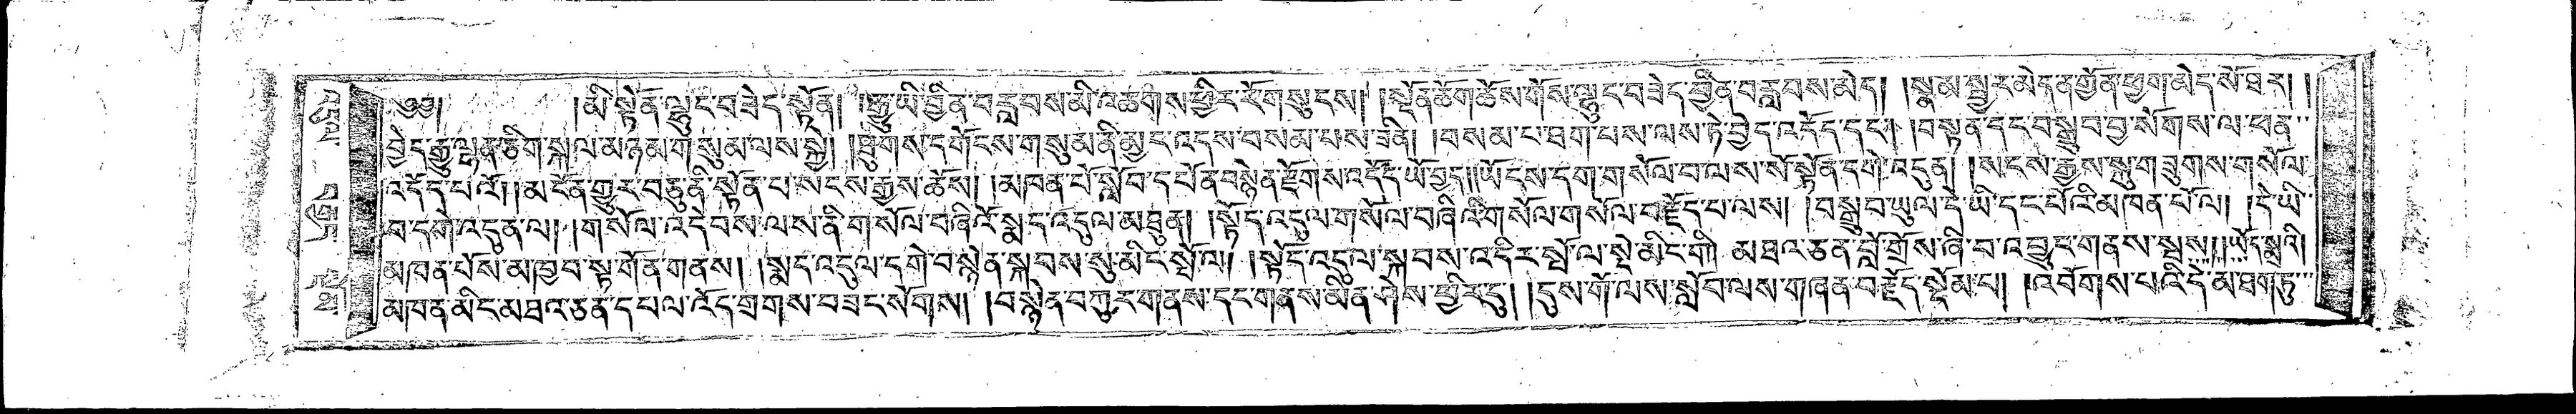༄༅། །མི་སྟོན་ལྷུང་བཟེད་སྟོན། །རྒྱུ་ཡི་བྱིན་བརླབས་མི་འཆགས་ཕྱིར་རོ་གསུངས། །སྔོན་ཆོག་ཆོས་གོས་ལྷུང་བཟེད་བྱིན་བརླབས་མེད། །སྣམ་སྦྱར་མེད་ན་གྱོན་ཕྱག་མེད་སོ་ཐར། །
བྱེད་རྒྱུ་ལྷན་ཅིག་སྐལ་མཉམ་གསུམ་ལས་སྐྱེ། །ཐུགས་དགོངས་གསུམ་ནི་མྱང་འདས་བསམ་པས་ཟིན། །བསམ་པ་ཐག་པས་ལས་ཏེ་བྱེད་འདོད་དང་། །བསྟན་དང་བསྒྲུབ་བྱ་སོགས་ལ་ཕན་
འདོད་པའོ། །མངོན་གྱུར་བཅུ་ནི་སྟོན་པ་སངས་རྒྱས་ཆོས། །མཁན་པོ་སློབ་དཔོན་བསྙེན་རྫོགས་འདོད་ཡོ་བྱད། །ཡོངས་དག་གསོལ་བ་ལས་སོ་སྟོན་དགེ་འདུན། །སངས་རྒྱས་སྐུ་གཟུགས་གསོལ་
བ་དགེ་འདུན་ལ། །གསོལ་འདེབས་ལས་ནི་གསོལ་བཞིའོ་སྨད་འདུལ་མཐུན། །སྟོད་འདུལ་གསོལ་བཞིའི་གསོལ་གསོལ་བརྗོད་པ་ལས། །བསྒྲུབ་ཡུལ་དེ་ཡི་དང་པོའི་མཁན་པོ་ལ། །དེ་ཡི་
མཁན་པོས་མ་ཁྱབ་སྟ་གོན་གནས། །སྨད་འདུལ་དགེ་བསྙེན་སྐབས་སུ་མིང་སྤོ་ལ། །སྟོད་འདུལ་སྐབས་འདིར་སྤོ་ལ་སྡེ་མིང་གི། མཐའ་ཅན་བློ་གྲོས་ཞི་བ་འབྱུང་གནས་སྦས། །ཡོད་སྨྲའི།
མཁན་མིང་མཐའ་ཅན་དཔལ་འོད་གྲགས་བཟང་སོགས། །བསྙེན་བཀུར་གནས་དང་གནས་མིན་ཤེས་ཕྱིར་དུ། །དུས་གོ་ལས་སློབ་ལས་གཞན་བརྗོད་སྡོམ་པ། །འབོགས་པའི་དེ་མ་ཐག་ཏུ་